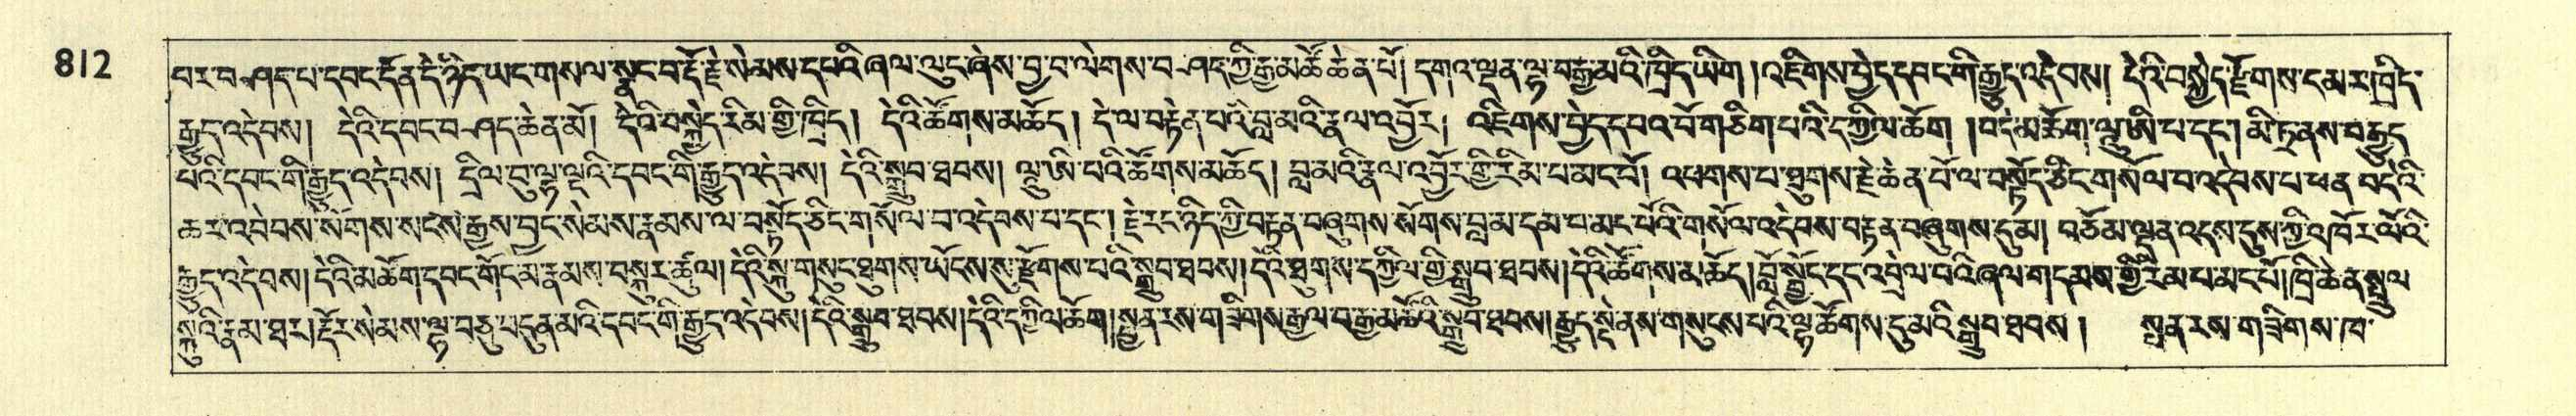བར་བཤད་པ་དབང་དོན་དེ་ཉིད་ཡང་གསལ་སྣང་བ་རྡོ་རྗེ་སེམས་དཔའི་ཞལ་ལུང་ཞེས་བྱ་བ་ལེགས་བཤད་ཀྱི་རྒྱ་མཚོ་ཆེན་པོ། དགའ་ལྡན་ལྷ་བརྒྱ་མའི་ཁྲིད་ཡིག །འཇིགས་བྱེད་དབང་གི་རྒྱུད་འདེབས། དེའི་བསྐྱེད་རྫོགས་དམར་ཁྲིད་
རྒྱུད་འདེབས། དེའི་དབང་བཤད་ཆེན་མོ། དེའི་བསྐྱེད་རིམ་གྱི་ཁྲིད། དེའི་ཚོགས་མཆོད། དེ་ལ་བརྟེན་པའི་བླ་མའི་རྣལ་འབྱོར། འཇིགས་བྱེད་དཔའ་བོ་གཅིག་པའི་དཀྱིལ་ཆོག །བདེ་མཆོག་ལཱུ་ཨི་པ་དང་། མི་ཏྲ་ནས་བརྒྱུད་
པའི་དབང་གི་རྒྱུད་འདེབས། དྲིལ་བུ་ལྷ་ལྔའི་དབང་གི་རྒྱུད་འདེབས། དེའི་སྒྲུབ་ཐབས། ལཱུ་ཨི་པའི་ཚོགས་མཆོད། བླ་མའི་རྣལ་འབྱོར་གྱི་རིམ་པ་མང་བོ། འཕགས་པ་ཐུགས་རྗེ་ཆེན་པོ་ལ་བསྟོད་ཅིང་གསོལ་བ་འདེབས་པ་ཕན་བདེའི་
ཆར་འབེབས་སོགས་སངས་རྒྱས་བྱང་སེམས་རྣམས་ལ་བསྟོད་ཅིང་སྒོལ་བ་འདེབས་པ་དང་། རྗེ་རང་ཉིད་ཀྱི་བརྟན་བཞུགས་སོགས་བླ་མ་དམ་པ་མང་པོའི་གསོལ་འདེབས་བརྟན་བཞུགས་དུ་མ། བཅོམ་ལྡན་འདས་དུས་ཀྱི་འཁོར་ལོའི་
རྒྱུད་འདེབས། དེའི་མཆོག་དབང་གོང་མ་རྣམས་བསྐུར་ཚུལ། དེའི་སྐུ་གསུང་ཐུགས་ཡོངས་སུ་རྫོགས་པའི་སྒྲུབ་ཐབས། དེའི་ཐུགས་དཀྱིལ་གྱི་སྒྲུབ་ཐབས། དེའི་ཚོགས་མཆོད། བློ་སྦྱོང་དང་འབྲེལ་བའི་ཞལ་གདམས་གྱི་རིམ་པ་མང་པོ། ཁྲི་ཆེན་སྤྲུལ་
སྐུའི་རྣམ་ཐར། རྡོར་སེམས་ལྷ་བཅུ་བདུན་མའི་དབང་གི་རྒྱུད་འདེབས། དེའི་སྒྲུབ་ཐབས། དེའི་དཀྱིལ་ཆོག །སྤྱན་རས་གཟིགས་རྒྱལ་བ་རྒྱ་མཚོའི་སྒྲུབ་ཐབས། རྒྱུད་སྡེ་ནས་གསུངས་པའི་ལྷ་ཚོགས་དུ་མའི་སྒྲུབ་ཐབས། སྤྱན་རས་གཟིགས་ཁ་